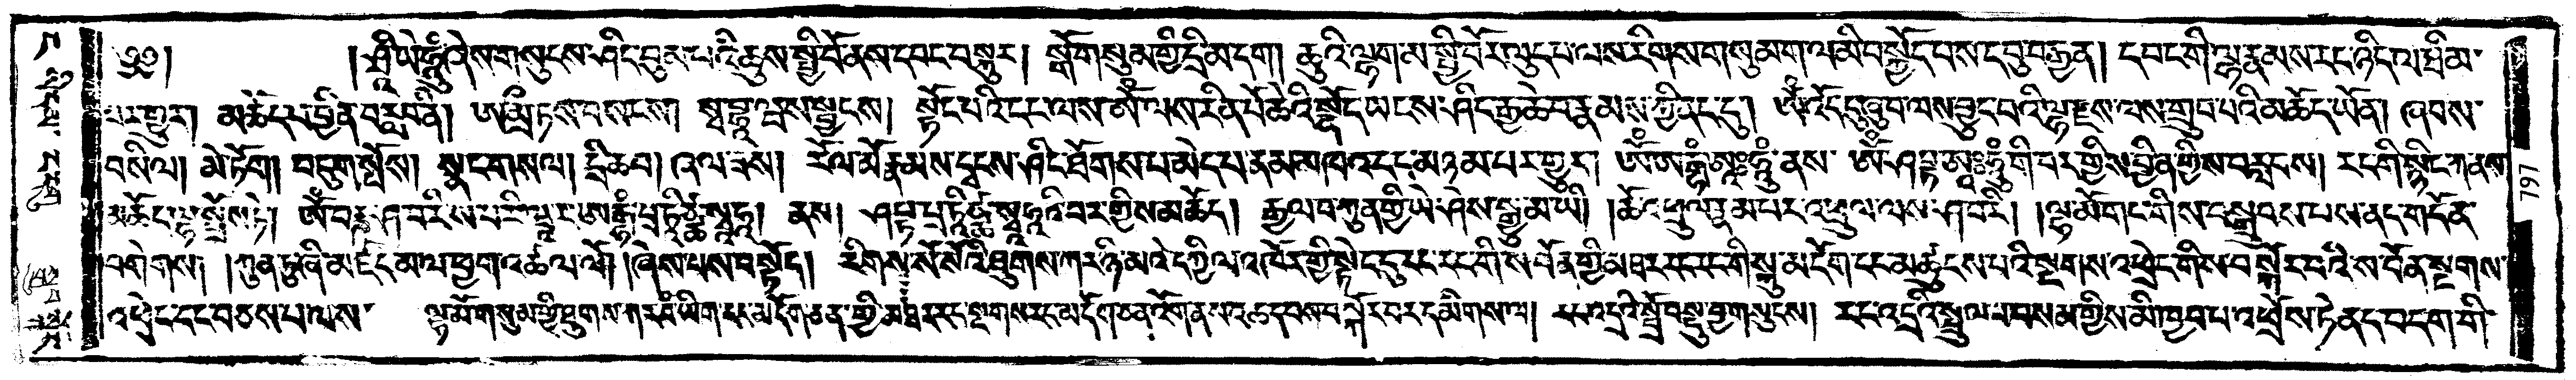༄༅། །ཤྲཱི་ཡེ་ཧཱུཾ་ཞེས་གསུངས་ཤིང་བུམ་པའི་ཆུས་སྤྱི་བོ་ནས་དབང་བསྐུར། སྒོ་གསུམ་གྱི་དྲི་མ་དག། ཆུའི་ལྷག་མ་སྤྱི་བོར་ལུང་པ་ལས་རིགས་གསུམ་ག་ལ་མི་བསྐྱོང་པས་དབུ་བརྒྱན། དབང་གི་ལྷ་རྣམས་རང་ཉིད་ལ་ཐིམ་
པར་གྱུར། མཆོད་པ་བྱིན་བརླབ་ནི། ཨྀ་མྲ་ཏས་བསངས། སྭ་བྷཱ་ཝས་སྦྱངས། སྟོང་པའི་ངང་ལས་ཨོཾ་ལས་རིན་པོ་ཆེའི་སྣོད་ཡངས་ཤིང་རྒྱ་ཆེ་བ་རྣམས་ཀྱི་ནང་དུ། ཨོཾ་འོད་དུ་ཞུབ་ལས་བྱུང་བའི་ལྷ་རྫས་ལས་གྲུབ་པའི་མཆོད་ཡོན། ཞབས་
བསིལ། མེ་ཏོག། བདུག་སྤོས། སྣང་གསལ། དྲི་ཆག་ཞལ་ཟས། རོལ་མོ་རྣམས་དྭངས་ཤིང་ཐོགས་པ་མེད་པ་ནམ་མཁའ་དང་མཉམ་པར་གྱུར། ཨོཾ་ཨརྒྷཾ་ཨཱཿ ཧཱུཾ་ནས་ཨོཾ་ཤཔྟ་ཨཱཿ ཧཱུཾ་གི་བར་གྱིས་བྱིན་གྱིས་བརླབས། རང་གི་སྙིང་ཀ་ནས་
མཆོད་ལྷ་སྤྲོས་ཏེ། ཨོཾ་བརྣ་ཤ་བ་རི་ས་པ་རི་ཝཱ་ར་ཨརྒྷཾ་པྲ་ཏཱི་ཙྪ་སྭཱཧཱ། ན། ཤཔྟ་པྲ་ཏཱི་ཙྪ་སྭཱ་ཧཱའི་བར་གྱིས་མཆོད། རྒྱལ་བ་ཀུན་གྱི་ཡེ་ཤེས་སྒྱུ་མ་ཡི། །ཆོ་འཕྲུལ་རྣམ་པར་འཕྲུལ་ལས་ཤ་བ་རི། །ལྷ་མོ་གང་གིས་བསྒྲུབས་པས་ནད་གདོན་
བགེགས། །ཀུན་ཏུ་ཞི་མཛད་མ་ལ་ཕྱག་འཚལ་ལོ། །ཞེས་པས་བསྟོད། རིགས་སོ་སོའི་ཐུགས་ཀར་ཉི་མའི་དཀྱིལ་འཁོར་གྱི་སྟེང་དུ་རང་རང་གིས་ལོན་གྱི་མཐར་རང་རང་གི་སྐུ་མདོག་པར་མཚུངས་པའི་སྔགས་འཕྲེང་གིས་བསྐོར་བའི་ས་བོན་སྔགས་
འཕྲེང་དང་བཅས་པ་ལས། ལྷ་མོ་གསུམ་གྱི་ཐུགས་ཀར་བཾ་ཡིག་རང་མདོག་ཅན་གྱི་མཐར་རང་སྔགས་རང་མདོག་ཅན་འོག་ནས་འཆད་པས་བསྐོར་བར་དམིགས་ལ། རང་འདྲའི་སྦྲོ་བསྡུ་བྱ་གསུངས། རང་འདྲའི་སྤྲུལ་པ་བསམ་གྱིས་མི་ཁྱབ་པ་འཕྲོས་ཏེ་ནད་བདག་གི་